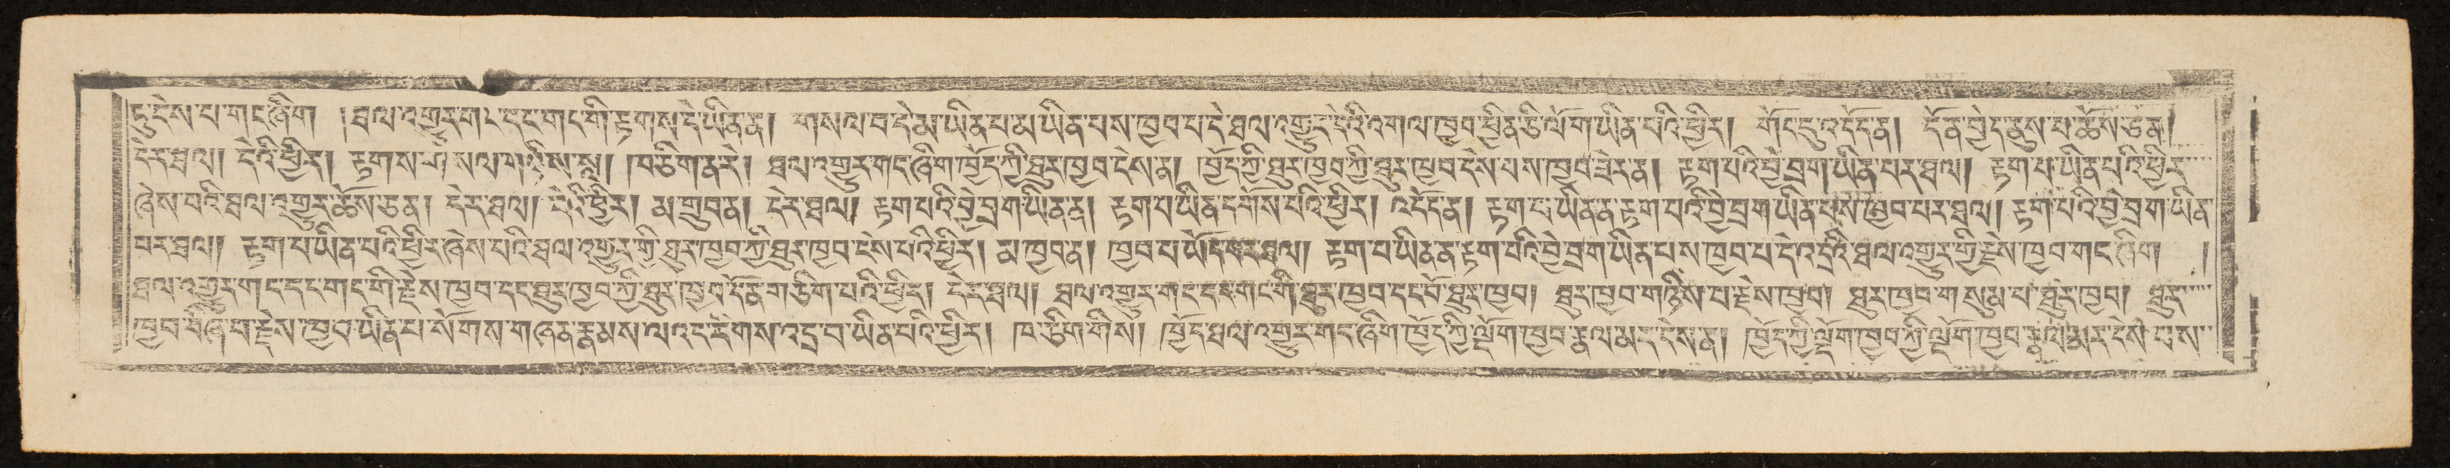ཏུ་ངེས་པ་གང་ཞིག །ཐལ་འགྱུར་གང་དང་གང་གི་རྟགས་དེ་ཡིན་ན། གསལ་བ་དེ་མ་ཡིན་པ་མ་ཡིན་པས་ཁྱབ་པ་དེ་ཐལ་འགྱུར་དེའི་འགལ་ཁྱབ་ཕྱིན་ཅི་ལོག་ཡིན་པའི་ཕྱིར། གོང་དུ་འདོད་ན། དོན་བྱེད་ནུས་པ་ཆོས་ཅན།
དེར་ཐལ། དེའི་ཕྱིར། རྟགས་གསལ་གཉིས་སླ། ཁ་ཅིག་ན་རེ། ཐལ་འགྱུར་གང་ཞིག་ཁྱོད་ཀྱི་ཐུར་ཁྱབ་ངེས་ན། ཁྱོད་ཀྱི་ཐུར་ཁྱབ་ཀྱི་ཐུར་ཁྱབ་ངེས་པས་ཁྱབ་ཟེར་ན། རྟག་པའི་བྱེ་བྲག་ཡིན་པར་ཐལ། རྟག་པ་ཡིན་པའི་ཕྱིར་
ཞེས་པའི་ཐལ་འགྱུར་ཆོས་ཅན། དེར་ཐལ། དེའི་ཕྱིར། མ་གྲུབ་ན། དེར་ཐལ། རྟག་པའི་བྱེ་བྲག་ཡིན་ན། རྟག་པ་ཡིན་དགོས་པའི་ཕྱིར། འདོད་ན། རྟག་པ་ཡིན་ན་རྟག་པའི་བྱེ་བྲག་ཡིན་པས་ཁྱབ་པར་ཐལ། རྟག་པའི་བྱེ་བྲག་ཡིན་
པར་ཐལ། རྟག་པ་ཡིན་པའི་ཕྱིར་ཞེས་པའི་ཐལ་འགྱུར་གྱི་ཐུར་ཁྱབ་ཀྱི་ཐུར་ཁྱབ་ངེས་པའི་ཕྱིར། མ་ཁྱབ་ན། ཁྱབ་པ་ཡོད་པར་ཐལ། རྟག་པ་ཡིན་ན་རྟག་པའི་བྱེ་བྲག་ཡིན་པས་ཁྱབ་པ་དེ་འདྲའི་ཐལ་འགྱུར་གྱི་རྗེས་ཁྱབ་གང་ཞིག །
ཐལ་འགྱུར་གང་དང་གང་གི་རྗེས་ཁྱབ་དང་ཐུར་ཁྱབ་ཀྱི་ཐུར་ཁྱབ་དོན་གཅིག་པའི་ཕྱིར། དེར་ཐལ། ཐལ་འགྱུར་གང་དང་གང་གི་ཐུར་ཁྱབ་དང་པོ་ཐུར་ཁྱབ། ཐུར་ཁྱབ་གཉིས་པ་རྗེས་ཁྱབ། ཐུར་ཁྱབ་གསུམ་པ་ཐུར་ཁྱབ། ཐུར་
ཁྱབ་བཞི་པ་རྗེས་ཁྱབ་ཡིན་པ་སོགས་གཞན་རྣམས་ལའང་རིགས་འདྲ་བ་ཡིན་པའི་ཕྱིར། ཁ་ཅིག་གིས། ཁྱོད་ཐལ་འགྱུར་གང་ཞིག་ཁྱོད་ཀྱི་ལྡོག་ཁྱབ་རྣལ་མར་ངེས་ན། ཁྱོད་ཀྱི་ལྡོག་ཁྱབ་ཀྱི་ལྡོག་ཁྱབ་རྣལ་མར་ངེས་པས་